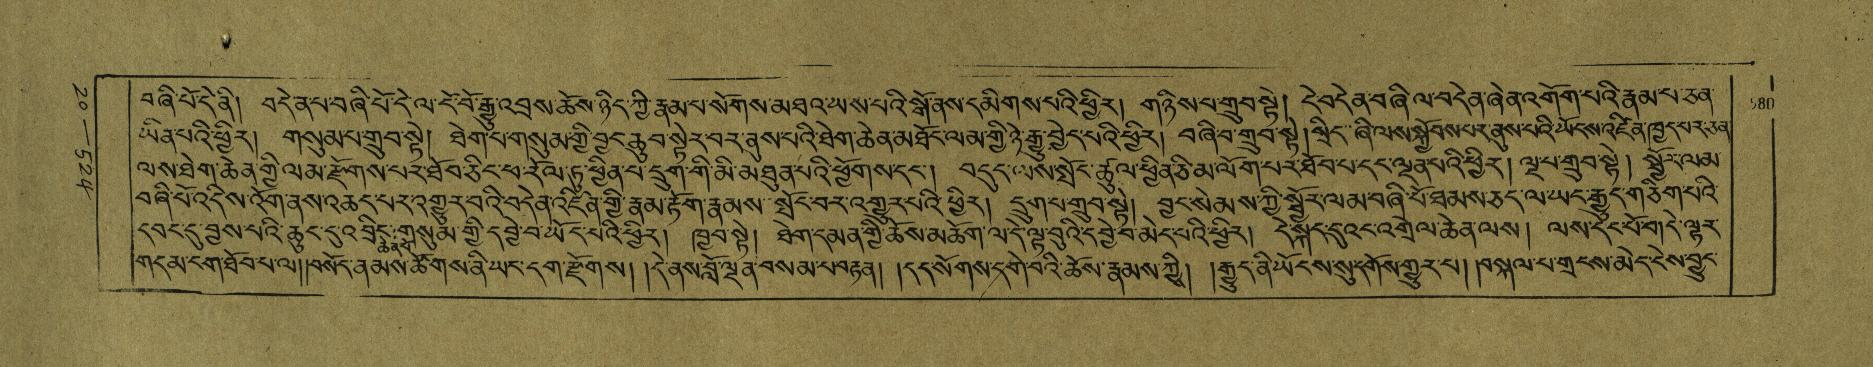བཞི་པོ་དེ་ནི། བདེན་པ་བཞི་པོ་དེ་ལ་ངོ་བོ་རྒྱུ་འབྲས་ཆོས་ཉིད་ཀྱི་རྣམ་པ་སོགས་མཐའ་ཡས་པའི་སྒོ་ནས་དམིགས་པའི་ཕྱིར། གཉིས་པ་གྲུབ་སྟེ། དེ་བདེན་བཞི་ལ་བདེན་ཞེན་འགོག་པའི་རྣམ་པ་ཅན་
ཡིན་པའི་ཕྱིར། གསུམ་པ་གྲུབ་སྟེ། ཐེག་པ་གསུམ་གྱི་བྱང་ཆུབ་སྟེར་བར་ནུས་པའི་ཐེག་ཆེན་མཐོང་ལམ་གྱི་ཉེ་རྒྱུ་བྱེད་པའི་ཕྱིར། བཞི་བ་གྲུབ་སྟེ། སྲིད་ཞི་ལས་སྐྱོབས་པར་ནུས་པའི་ཡོངས་འཛིན་ཁྱད་པར་ཅན་
ལས་ཐེག་ཆེན་གྱི་ལམ་རྫོགས་པར་ཐོབ་ཅིང་ཕ་རོལ་ཏུ་ཕྱིན་པ་དྲུག་གི་མི་མཐུན་པའི་ཕྱོགས་དང་། བདུད་ལས་སྤོང་ཚུལ་ཕྱིན་ཅི་མ་ལོག་པར་ཐོབ་པ་དང་ལྡན་པའི་ཕྱིར། ལྔ་པ་གྲུབ་སྟེ། སྦྱོར་ལམ་
བཞི་པོ་འདིས་འོག་ནས་འཆད་པར་འགྱུར་བའི་བདེན་འཛིན་གྱི་རྣམ་རྟོག་རྣམས་སྤོང་བར་འགྱུར་བའི་ཕྱིར། དྲུག་པ་གྲུབ་སྟེ། བྱང་སེམས་ཀྱི་སྦྱོར་ལམ་བཞི་པོ་ཐམས་ཅད་ལ་ཡང་རྒྱུད་གཅིག་པའི་
དབང་དུ་བྱས་པའི་ཆུང་དུ་འབྲིང་ཆེན་པོ་གསུམ་གྱི་དབྱེ་བ་ཡོད་པའི་ཕྱིར། ཁྱབ་སྟེ། ཐེག་དམན་གྱི་ཆོས་མཆོག་ལ་དེ་ལྟ་བུའི་དབྱེ་བ་མེད་པའི་ཕྱིར། དེ་སྐད་དུ་འང་འགྲེལ་ཆེན་ལས། ལས་དང་པོ་བ། དེ་ལྟར་
གདམ་ངག་ཐོབ་པ་ལ། །བསོད་ནམས་ཚོགས་ནི་ཡང་དག་རྫོགས། །དེ་ནས་བློ་ལྡན་བསམ་པ་བརྟན། །དད་སོགས་དགེ་བའི་ཆོས་རྣམས་ཀྱིས། །རྒྱུད་ནི་ཡོངས་སུ་དགོས་གྱུར་པ། །བསྐལ་པ་གྲངས་མེད་ངེས་བྱུང་